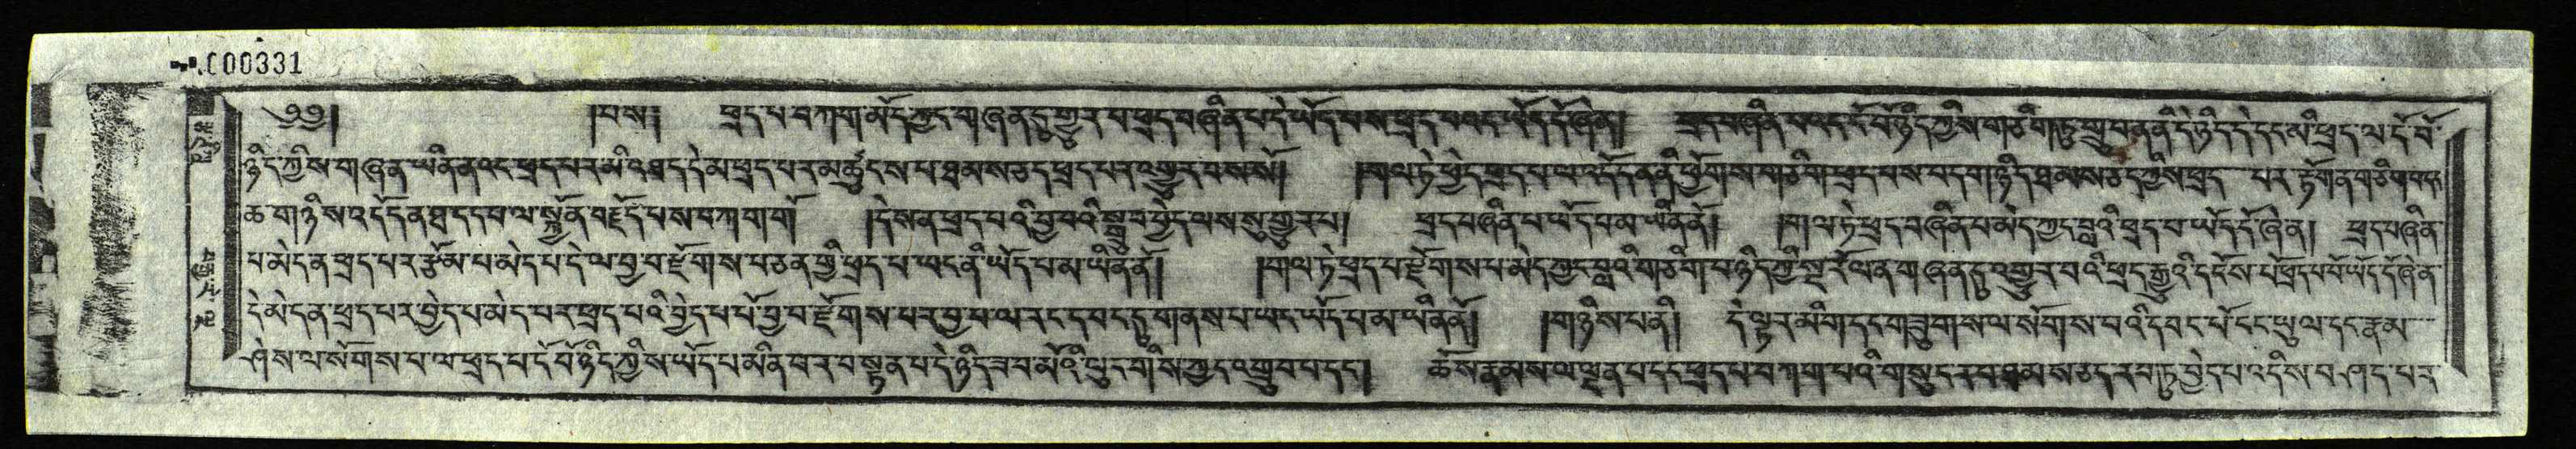༄༅། །པས༑ ཕྲད་པ་བཀག་མོད་ཀྱང་གཞན་དུ་གྱུར་པ་ཕྲད་བཞིན་པ་དེ་ཡོད་པས་ཕྲད་བའང་ཡོད་དོ་ཞེ་ན། གྲད་བཞིན་པའང་ངོ་བོ་ཉིད་ཀྱིས་གཅིག་ཏུ་གྲུབ་ན་ནི་དེ་ཉིད་དེ་དང་མི་ཕྲད་ལ་ངོ་བོ་
ཉིད་ཀྱིས་གཞན་ཡིན་ནའང་ཕྲད་པར་མི་འཐད་དེ་མ་ཕྲད་པར་མཚུངས་པ་ཐམས་ཅད་ཕྲད་པར་འགྱུར་བས་སོ། །གལ་ཏེ་ཕྱེད་གྲད་པ་ལ་འདོད་ན་ནི་ཕྱོགས་གཅིག་ཕྲད་པས་བདག་ཉིད་ཐམས་ཅད་ཀྱིས་ཕྲད་པར་རྟོག་ན་གཅིག་པ་དང་
ཆ་གཉིས་འདོད་ན་ཐ་དད་པ་ལ་སྐྱོན་བརྗོད་པས་བཀག་གོ །དེས་ན་ཕྲད་པའི་བྱ་བའི་སྒྲུབ་བྱེད་ལས་སུ་གྱུར་པ། ཕྲད་བཞིན་པ་ཡོད་པ་མ་ཡིན་ནོ། །གལ་ཏེ་ཕྲད་བཞིན་པ་མེད་ཀྱང་བླའི་ཕྲད་པ་ཡོད་དོ་ཞེ་ན། ཕྲད་བཞིན་
པ་མེད་ན་ཕྲད་པར་རྩོམ་པ་མེད་པ་དེ་ལ་བྱ་བ་རྫོགས་པ་ཅན་གྱི་ཕྲད་པ་ཡང་ནི་ཡོད་པ་མ་ཡིན་ནོ། །གལ་ཏེ་ཕྲད་པ་རྫོགས་པ་མེད་ཀྱང་བླའི་གཅིག་པ་ཉིད་ཀྱི་སྔ་རོལ་ན་གཞན་དུ་འགྱུར་བའི་ཕྲད་རྒྱུའི་དངོས་པོ་ཕྲད་པ་པོ་ཡོད་དོ་ཞེ་ན་
དེ་མེད་ན་ཕྲད་པར་བྱེད་པ་མེད་པར་ཕྲད་པའི་བྱེད་པ་པོ་བྱ་བ་རྫོགས་པར་བྱ་བ་ལ་རང་དབང་དུ་གནས་པ་ཡང་ཡོད་པ་མ་ཡིན་ནོ། །གཉིས་པ་ནི། དེ་ལྟར་མིག་དང་གཟུགས་ལ་སོགས་པའི་དབང་པོ་དང་ཡུལ་དང་རྣམ་
ཤེས་ལ་སོགས་པ་ལ་ཕྲད་པ་ངོ་བོ་ཉིད་ཀྱིས་ཡོད་པ་མིན་པར་བསྟན་པ་དེ་ཉིད་ཟབ་མོའི་ལུང་གིས་ཀྱང་འགྲུབ་པ་དང་། ཆོས་རྣམས་ལ་ལྡན་པ་དང་ཕྲད་པ་བཀག་པའི་གསུང་རབ་ཐམས་ཅད་རབ་ཏུ་བྱེད་པ་འདིས་བཤད་པར་